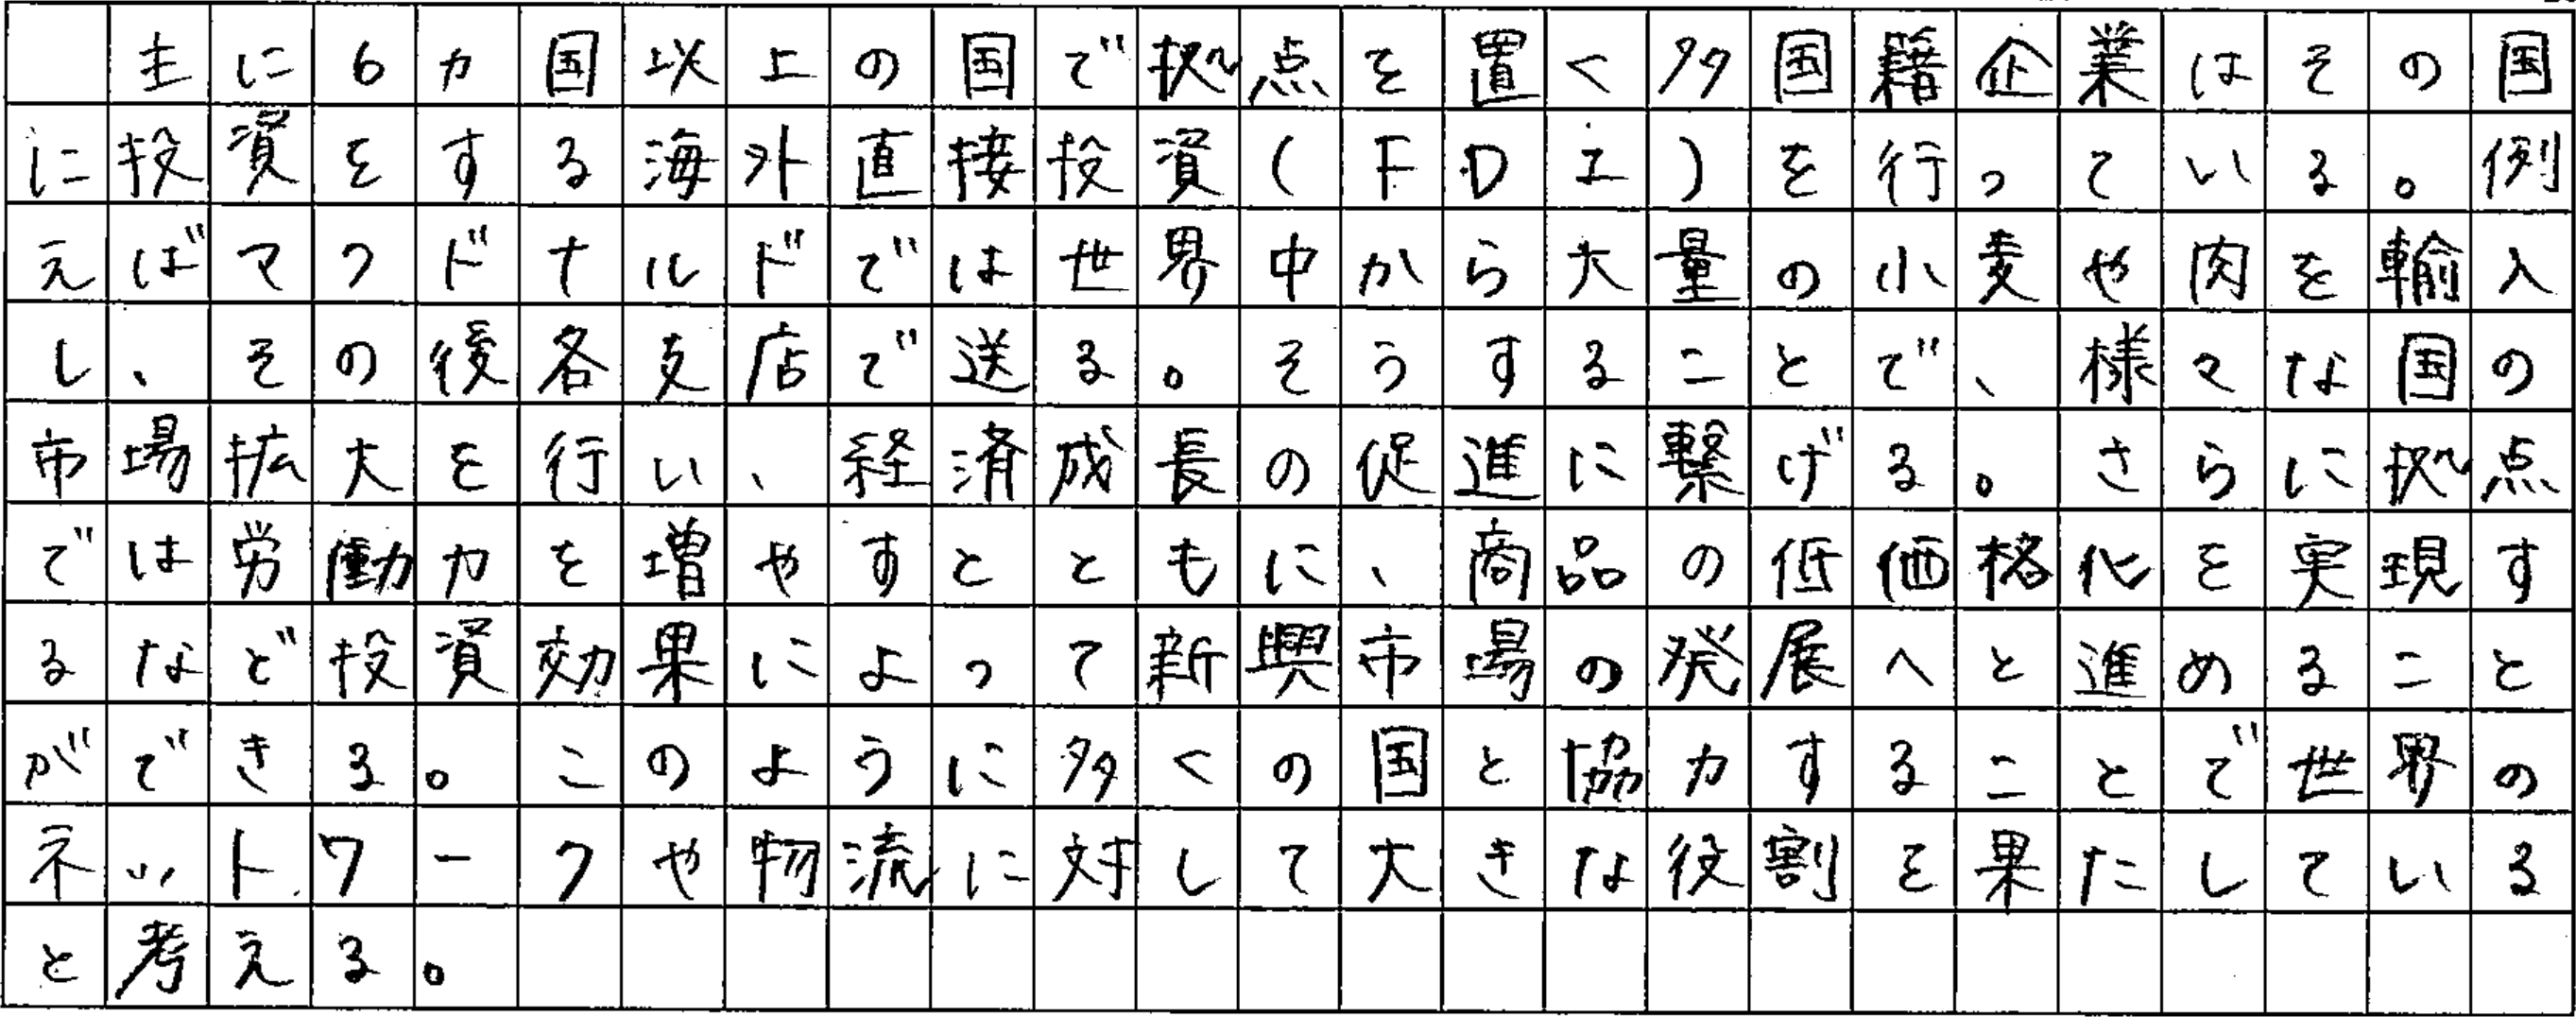　主に６ヵ国以上の国で拠点を置く多国籍企業はその国に投資をする海外直接投資（ＦＤＩ）を行っている。例えばマクドナルドでは世界中から大量の小麦や肉を輸入し、その後各支店で送る。そうすることで、様々な国の市場拡大を行い、経済成長の促進に繋げる。さらに拠点では労働力を増やすとともに、商品の低価格化を実現するなど投資効果によって新興市場の発展へと進めることができる。このように多くの国と協力することで世界のネットワークや物流に対して大きな役割を果たしていると考える。
